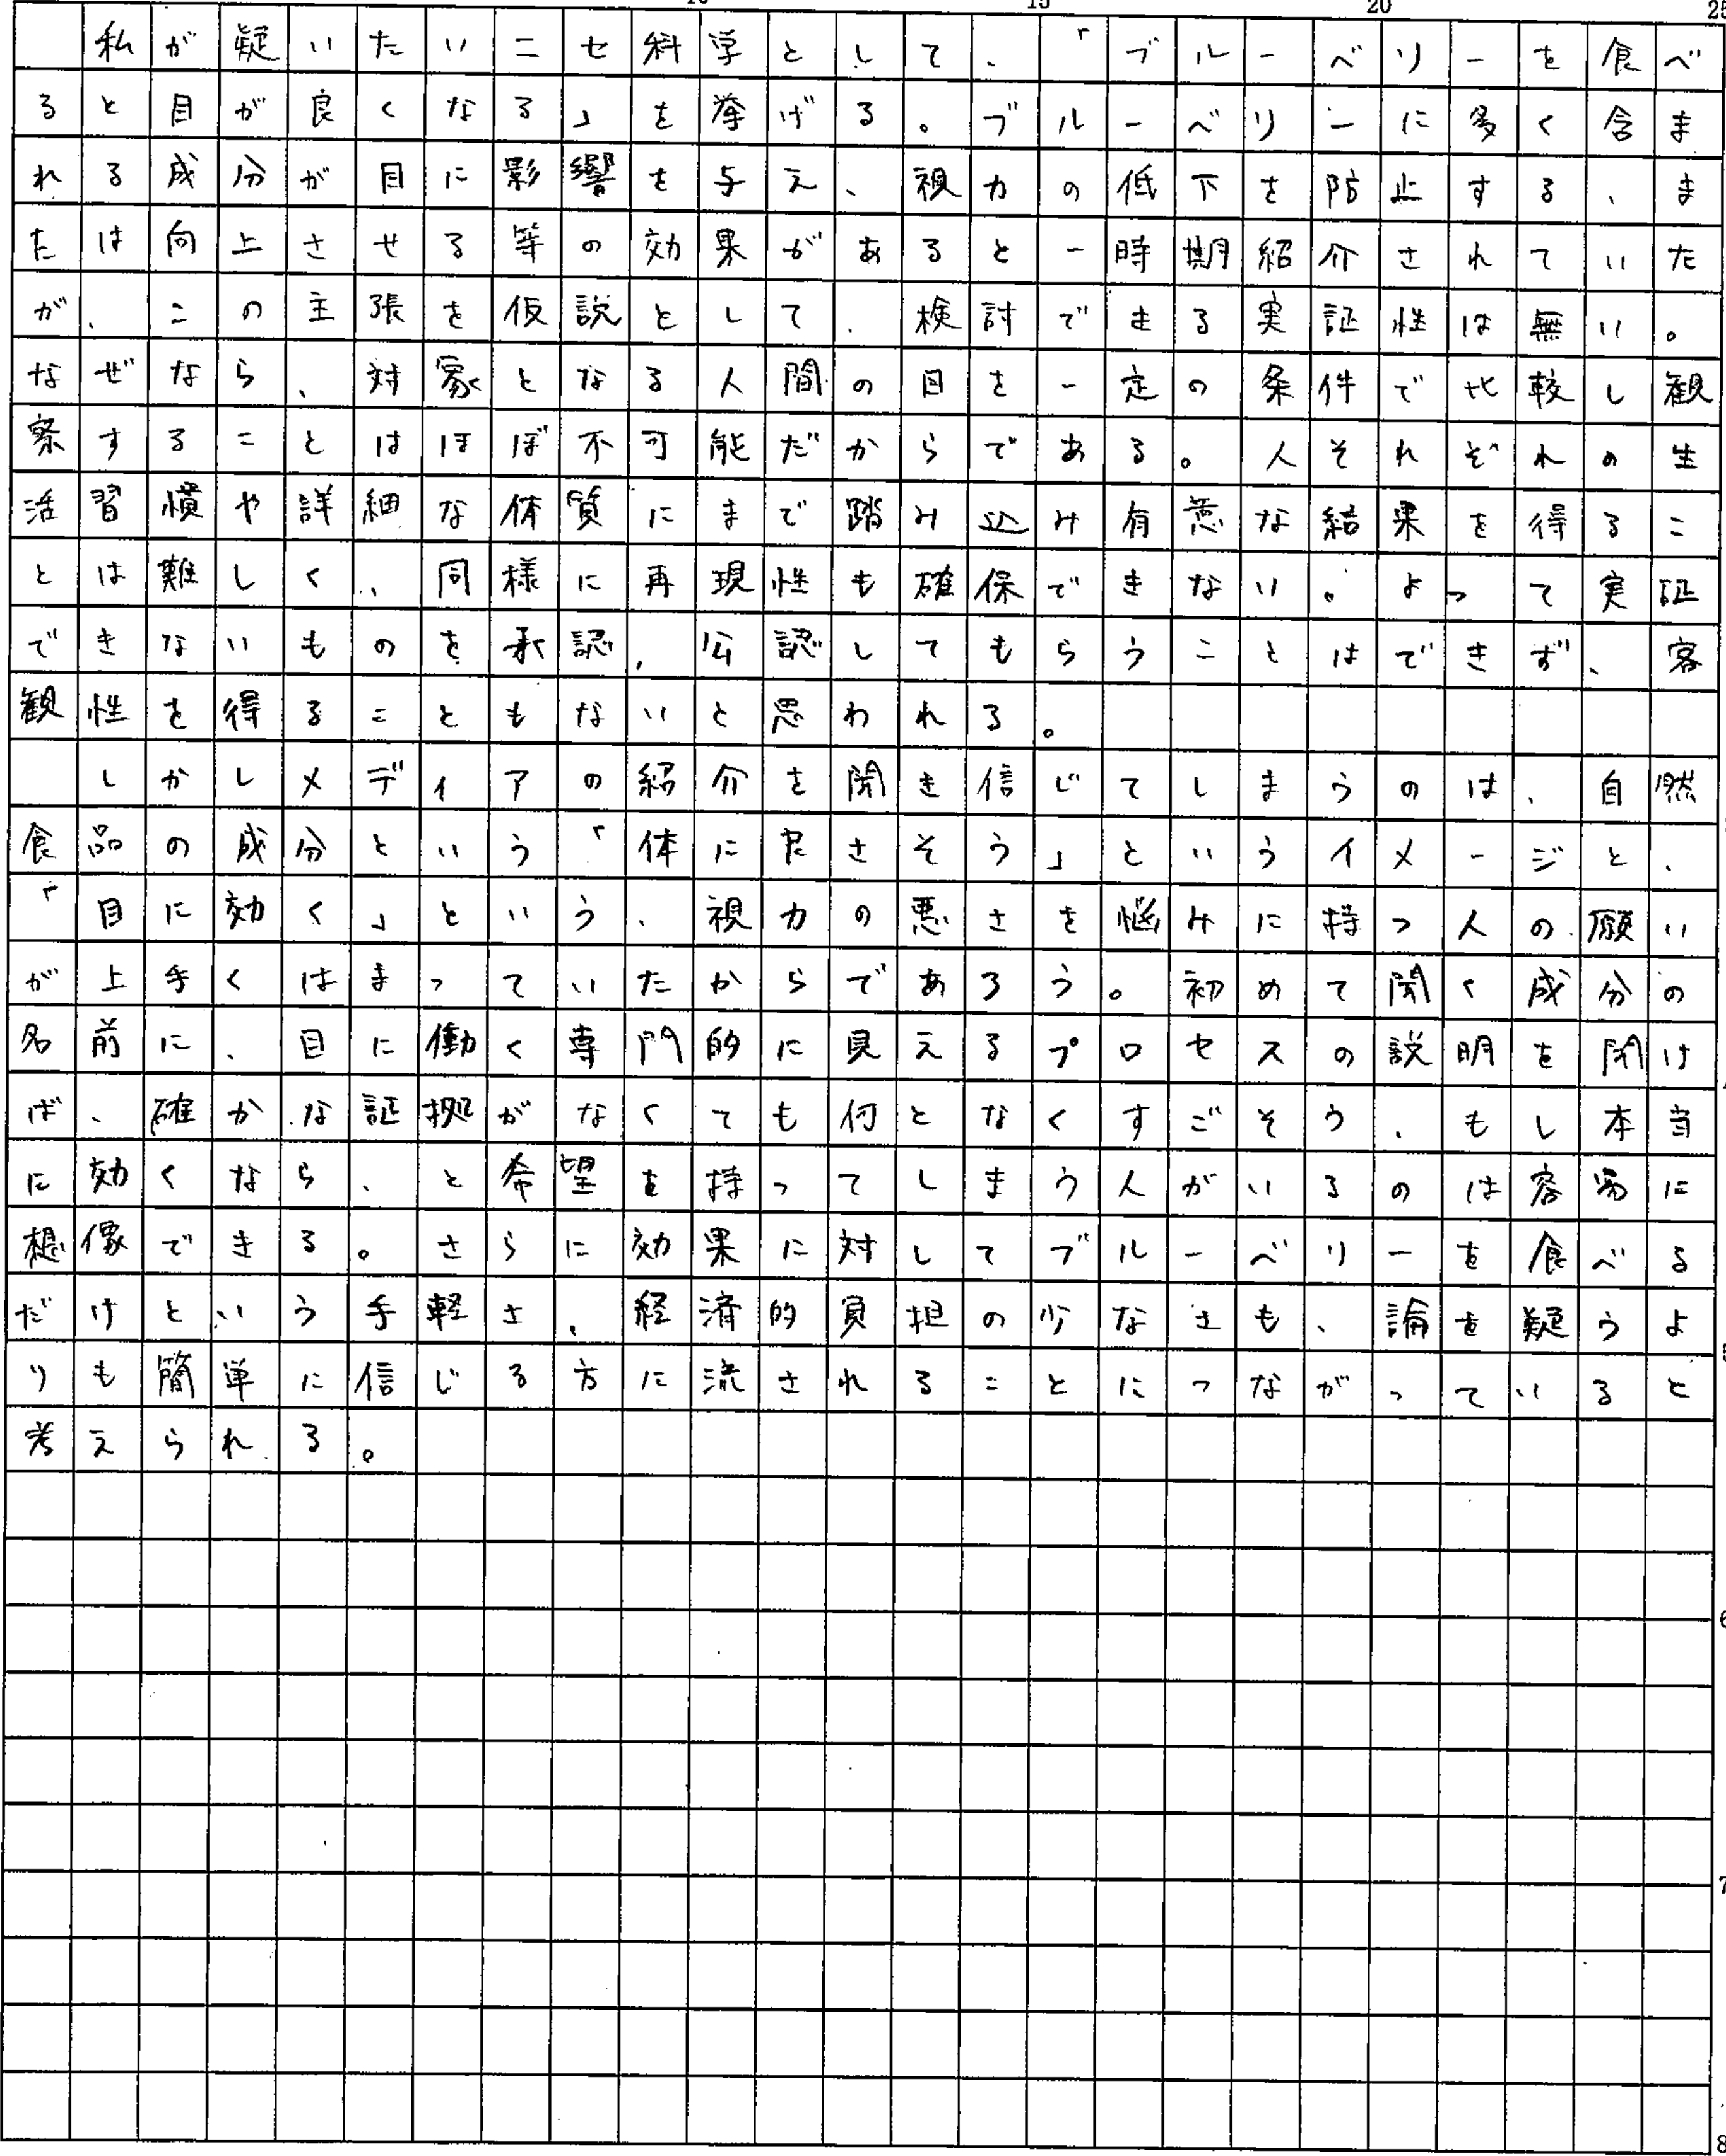　私が疑いたいニセ科学として、「ブルーベリーを食べると目が良くなる」を挙げる。ブルーベリーに多く含まれる成分が目に影響を与え、視力の低下を防止する、または向上させる等の効果があると一時期紹介されていたが、この主張を仮説として、検討できる実証性は無い。なぜなら、対象となる人間の目を一定の条件で比較し観察することはほぼ不可能だからである。人それぞれの生活習慣や詳細な体質にまで踏み込み有意な結果を得ることは難しく、同様に再現性も確保できない。よって実証できないものを承認、公認してもらうことはできず、客観性を得ることもないと思われる。
　しかしメディアの紹介を聞き信じてしまうのは、自然食品の成分という「体に良さそう」というイメージと、「目に効く」という、視力の悪さを悩みに持つ人の願いが上手くはまっていたからであろう。初めて聞く成分の名前に、目に働く専門的に見えるプロセスの説明を聞けば、確かな証拠がなくても何となくすごそう、もし本当に効くなら、と希望を持ってしまう人がいるのは容易に想像できる。さらに効果に対してブルーベリーを食べるだけという手軽さ、経済的負担の少なさも、論を疑うよりも簡単に信じる方に流されることにつながっていると考えられる。
